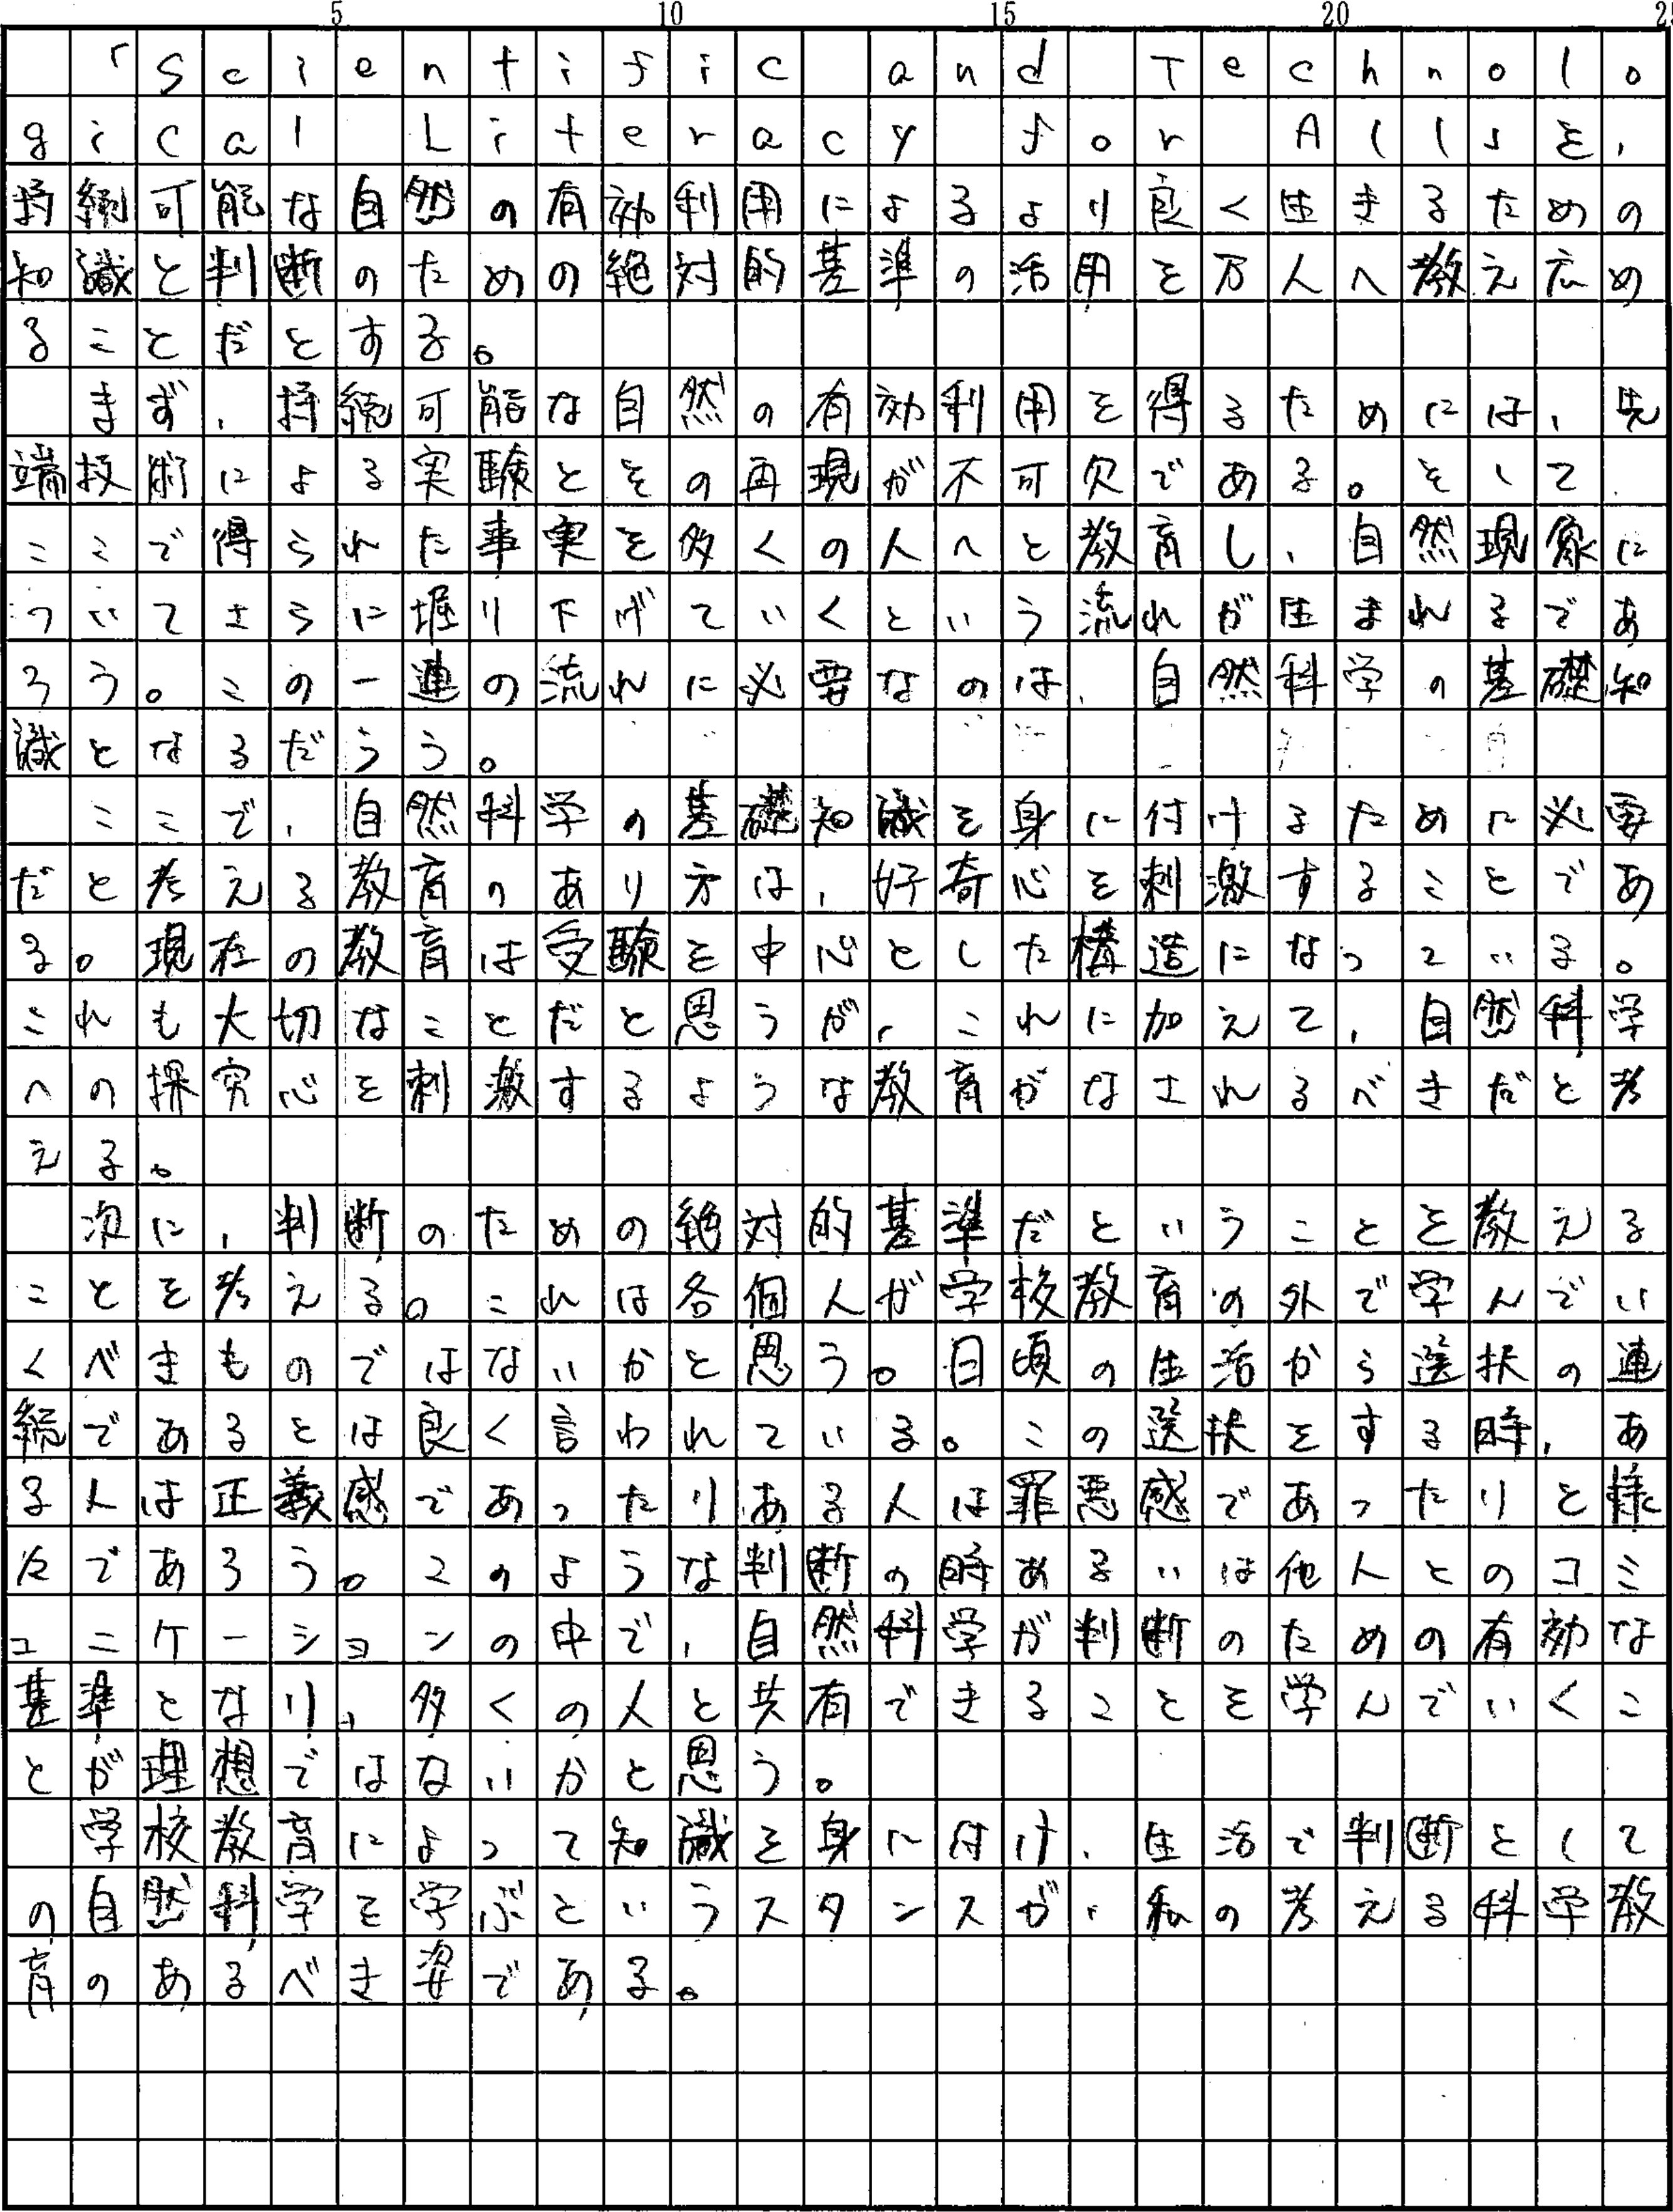　「Ｓｃｉｅｎｔｉｆｉｃ　ａｎｄ　Ｔｅｃｈｎｏｌｏｇｉｃａｌ　Ｌｉｔｅｒａｃｙ　ｆｏｒ　Ａｌｌ」を、持続可能な自然の有効利用によるより良く生きるための知識と判断のための絶対的基準の活用を万人へ教え広めることだとする。
　まず、持続可能な自然の有効利用を得るためには、先端技術による実験とその再現が不可欠である。そして、ここで得られた事実を多くの人へと教育し、自然現象についてさらに堀り下げていくという流れが生まれるであろう。この一連の流れに必要なのは、自然科学の基礎知識となるだろう。
　ここで、自然科学の基礎知識を身につけるために必要だと考える教育のあり方は、好奇心を刺激することである。現在の教育は受験を中心とした構造になっている。これも大切なことだと思うが、これに加えて、自然科学への探究心を刺激するような教育がなされるべきだと考える。
　次に、判断のための絶対的基準だということを教えることを考える。これは各個人が学校教育の外で学んでいくべきものではないかと思う。日頃の生活から選択の連続であるとは良く言われている。この選択をする時、ある人は正義感であったりある人は罪悪感であったりと様々であろう。このような判断の時あるいは他人とのコミュニケーションの中で、自然科学が判断のための有効な基準となり、多くの人と共有できることを学んでいくことが理想ではないかと思う。
　学校教育によって知識を身に付け、生活で判断としての自然科学を学ぶというスタンスが、私の考える科学教育のあるべき姿である。
